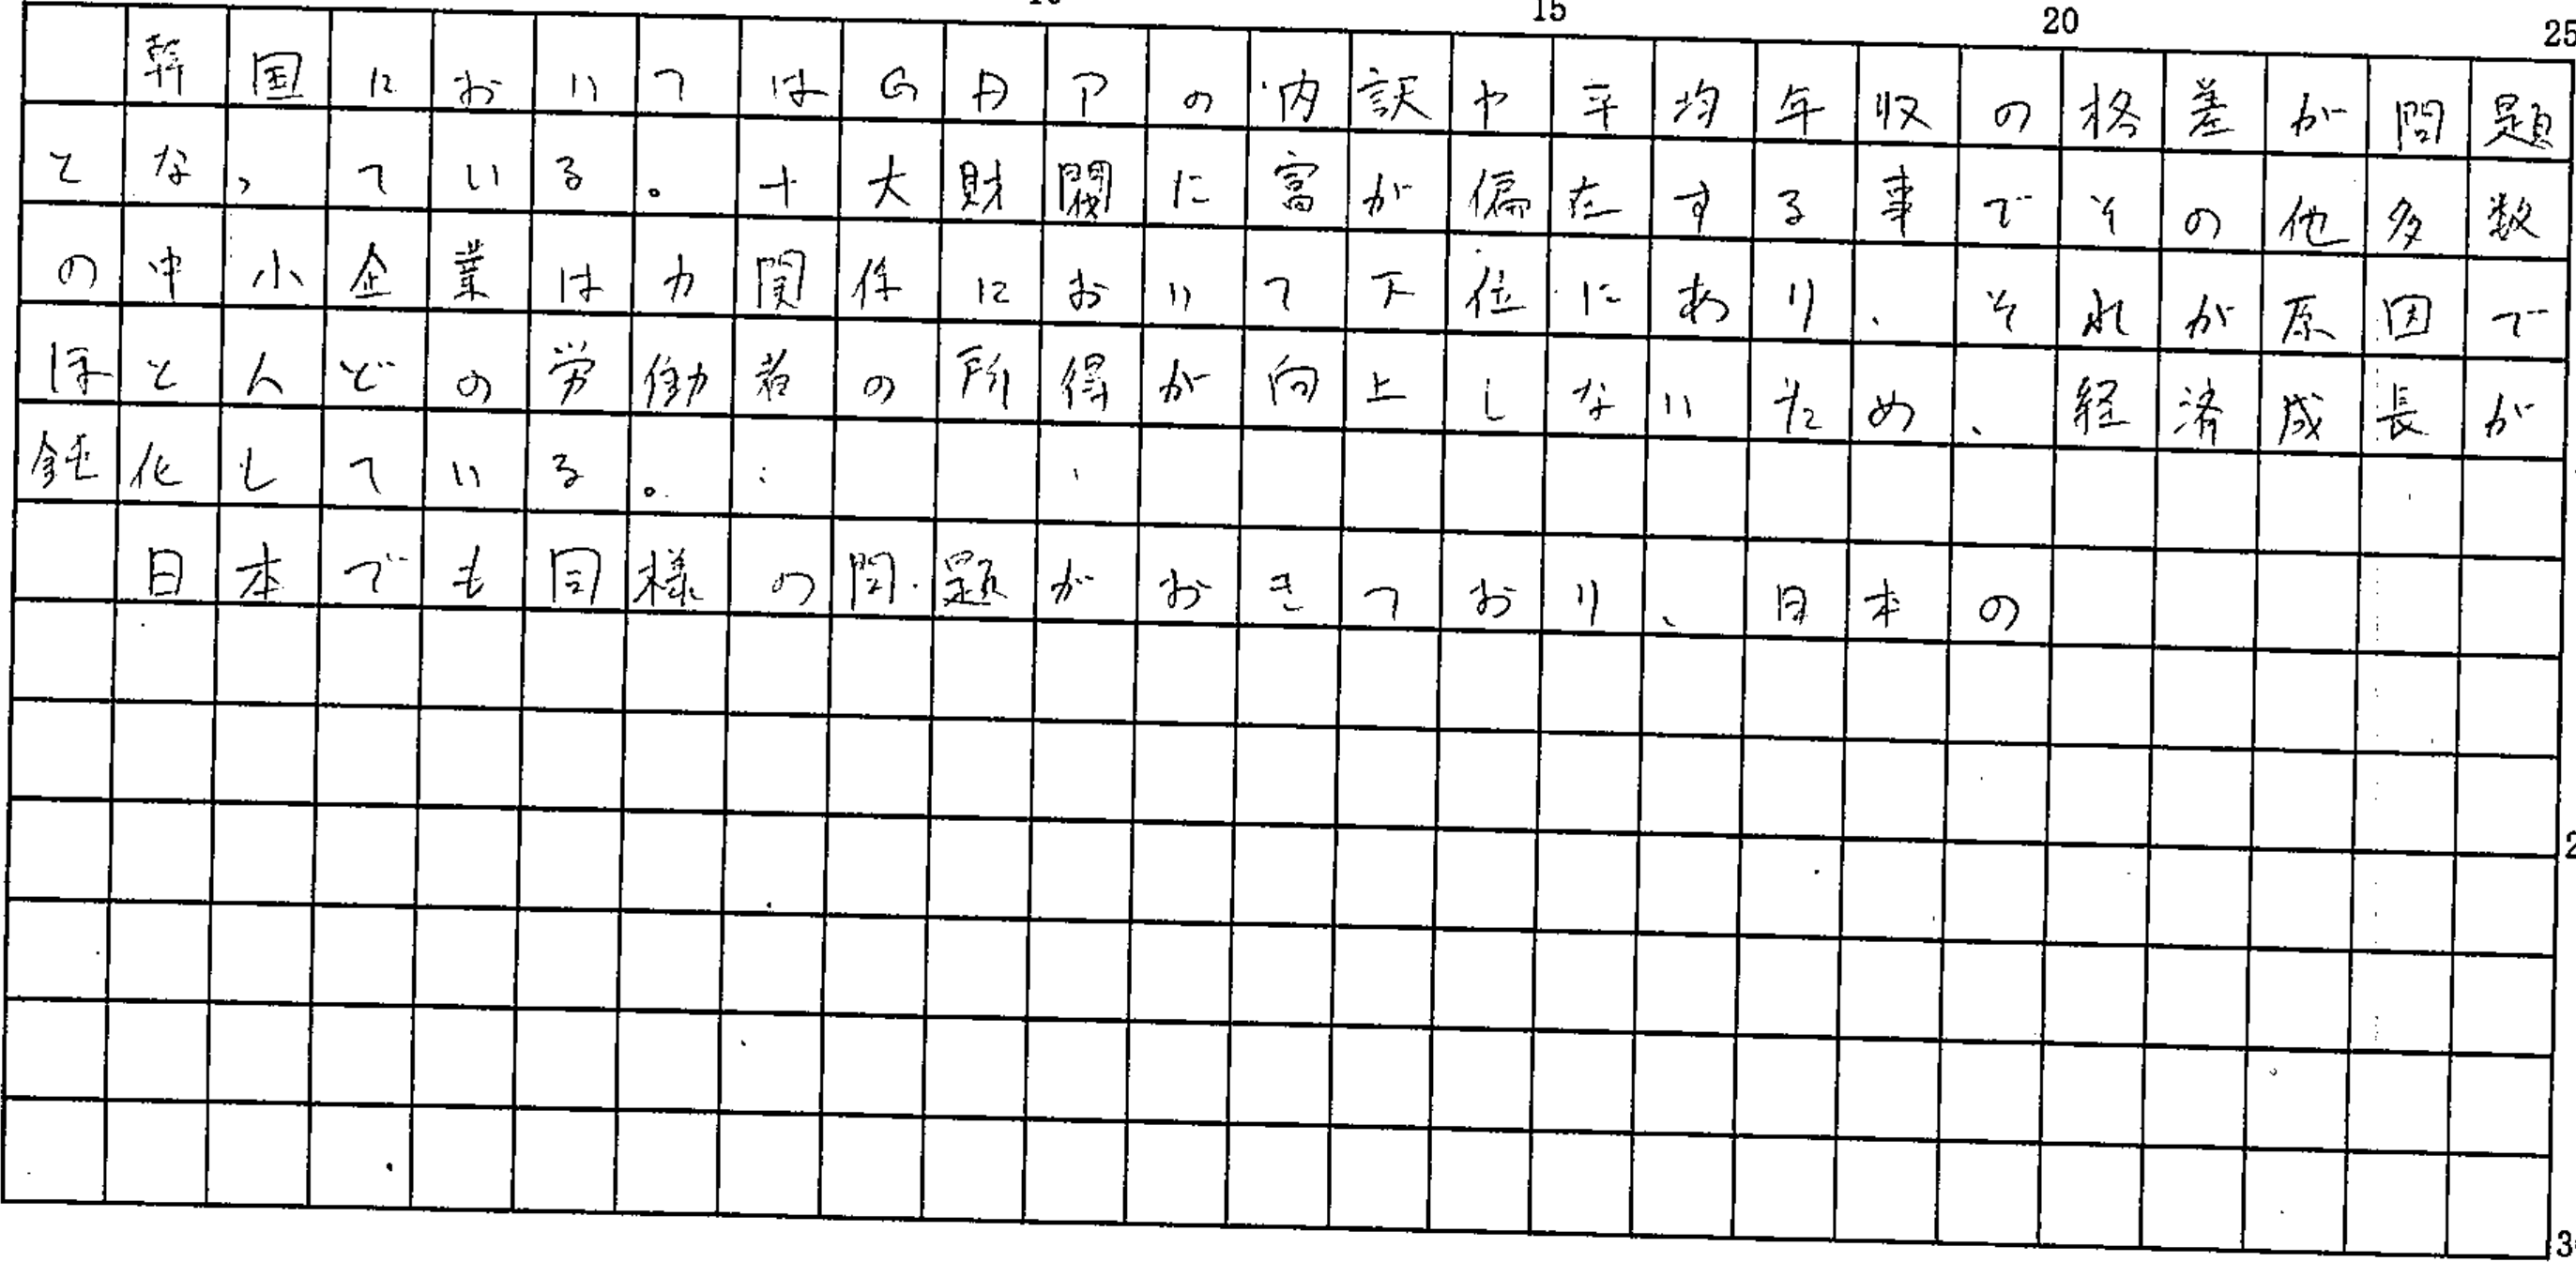　韓国においてはＧＤＰの内訳や平均年収の格差が問題となっている。十大財閥に富が偏在する事でその他多数の中小企業は力関係において下位にあり、それが原因でほとんどの労働者の所得が向上しないため、経済成長が鈍化している。
　日本でも同様の問題がおきており、日本の
